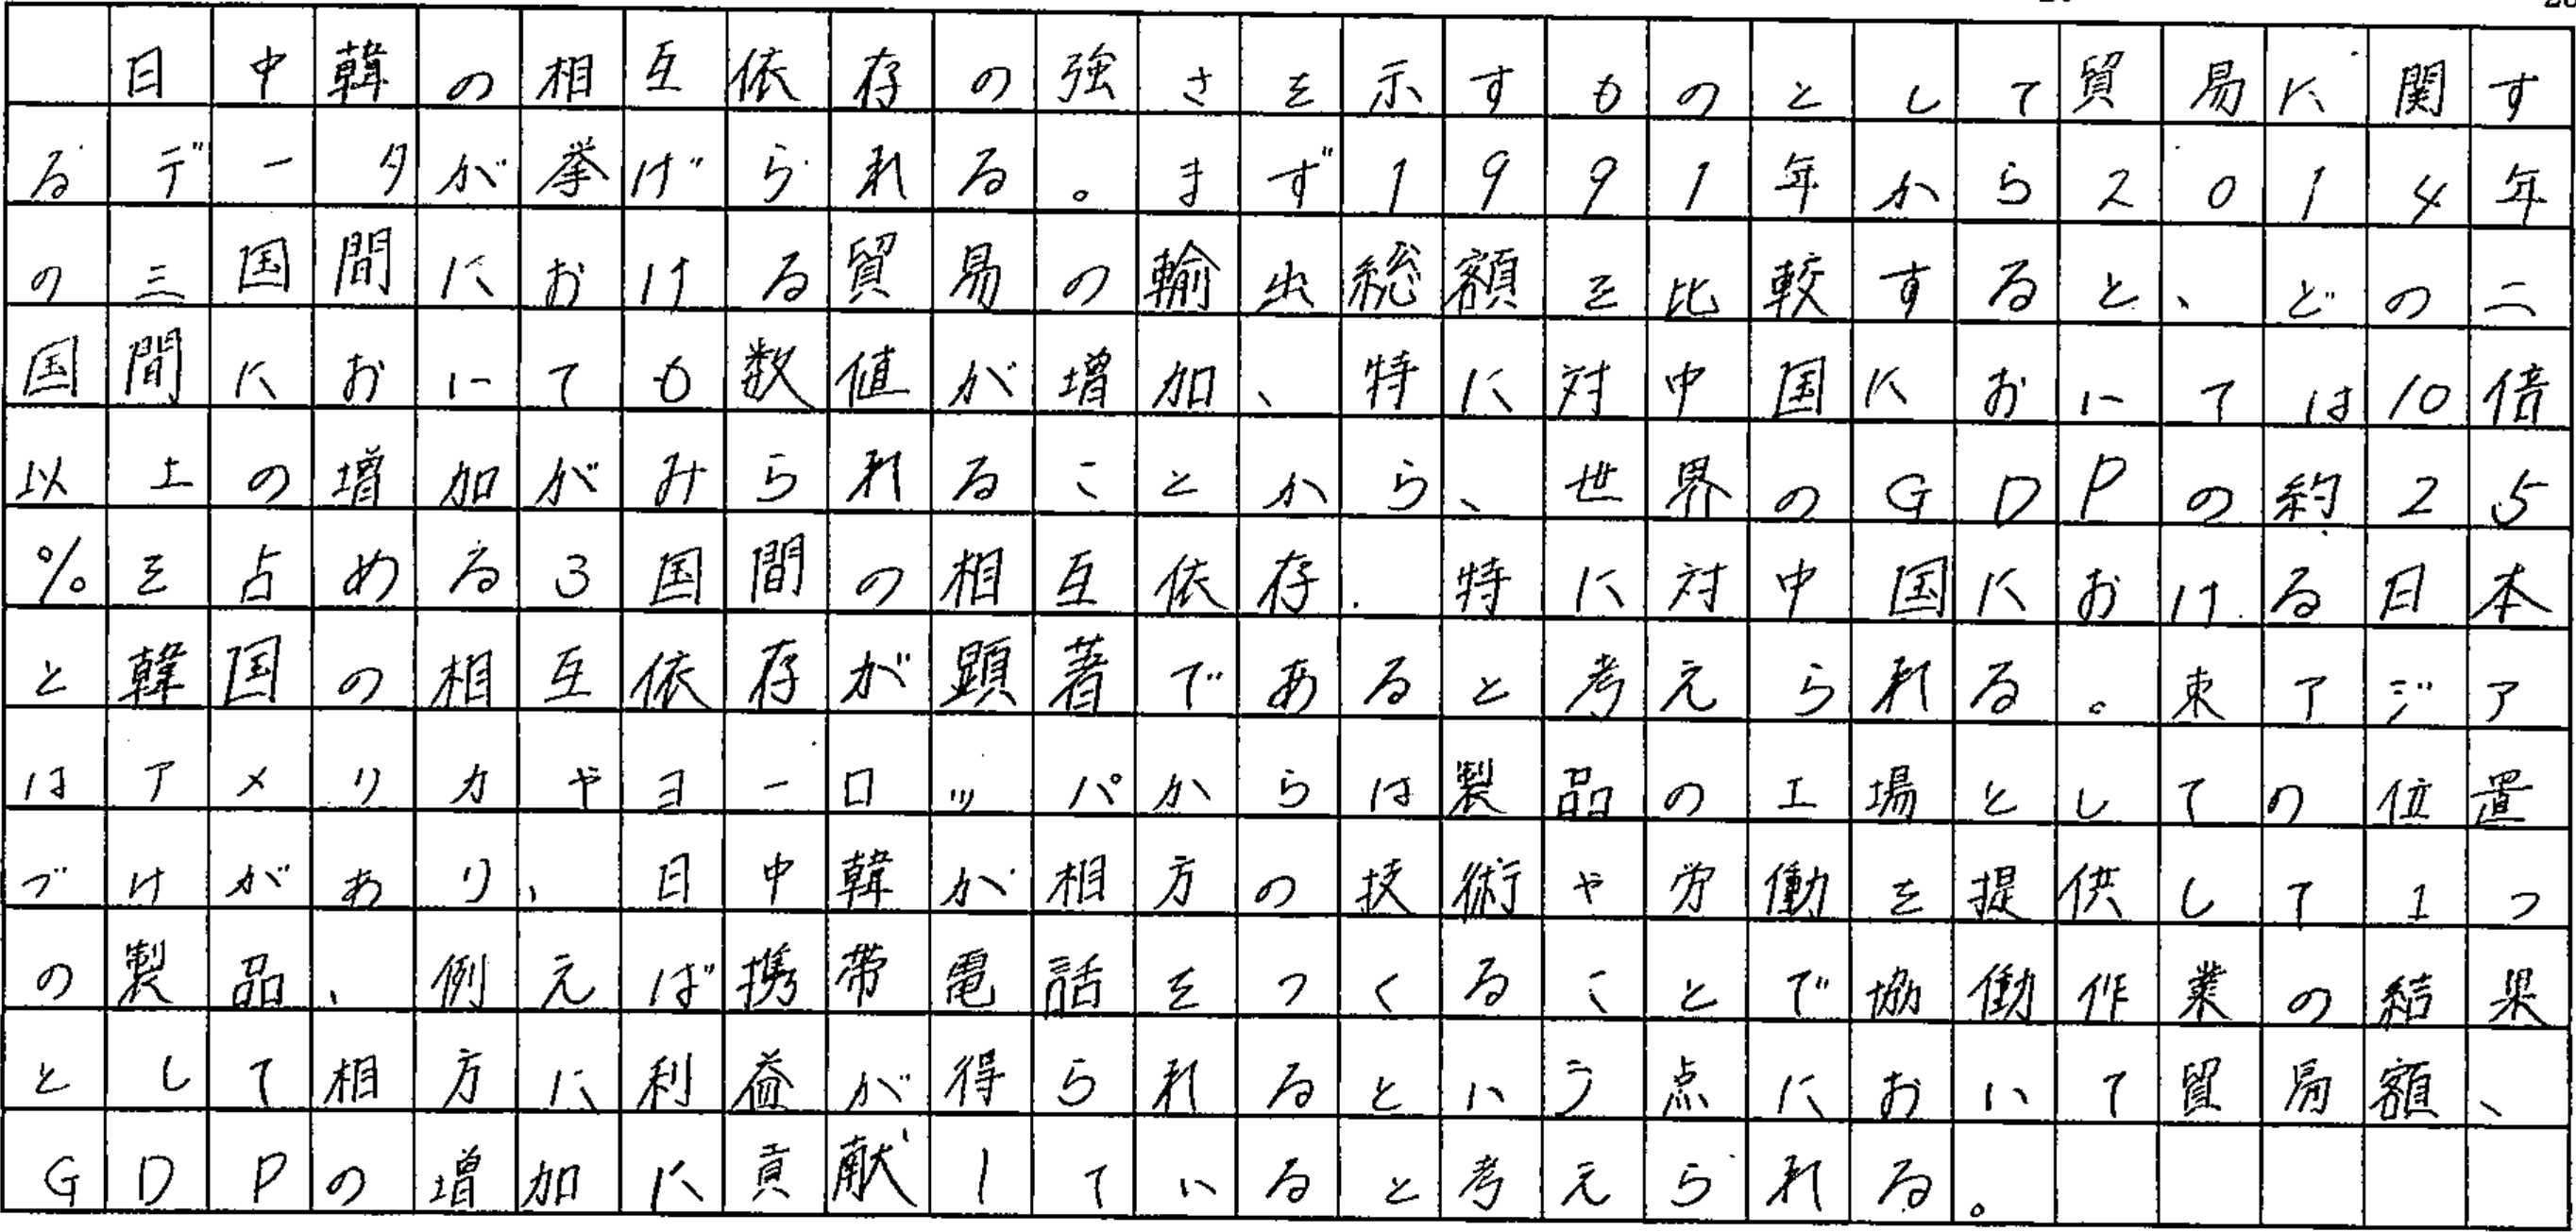　日中韓の相互依存の強さを示すものとして貿易に関するデータが挙げられる。まず１９９１年から２０１４年の三国間における貿易の輸出総額を比較すると、どの二国間においても数値が増加、特に対中国においては10倍以上の増加がみられることから、世界のＧＤＰの約２５％を占める３国間の相互依存、特に対中国における日本と韓国の相互依存が顕著であると考えられる。東アジアはアメリカやヨーロッパからは製品の工場としての位置づけがあり、日中韓が相方の技術や労働を提供して１つの製品、例えば携帯電話をつくることで協働作業の結果として相方に利益が得られるという点において貿易額、ＧＤＰの増加に貢献していると考えられる。
